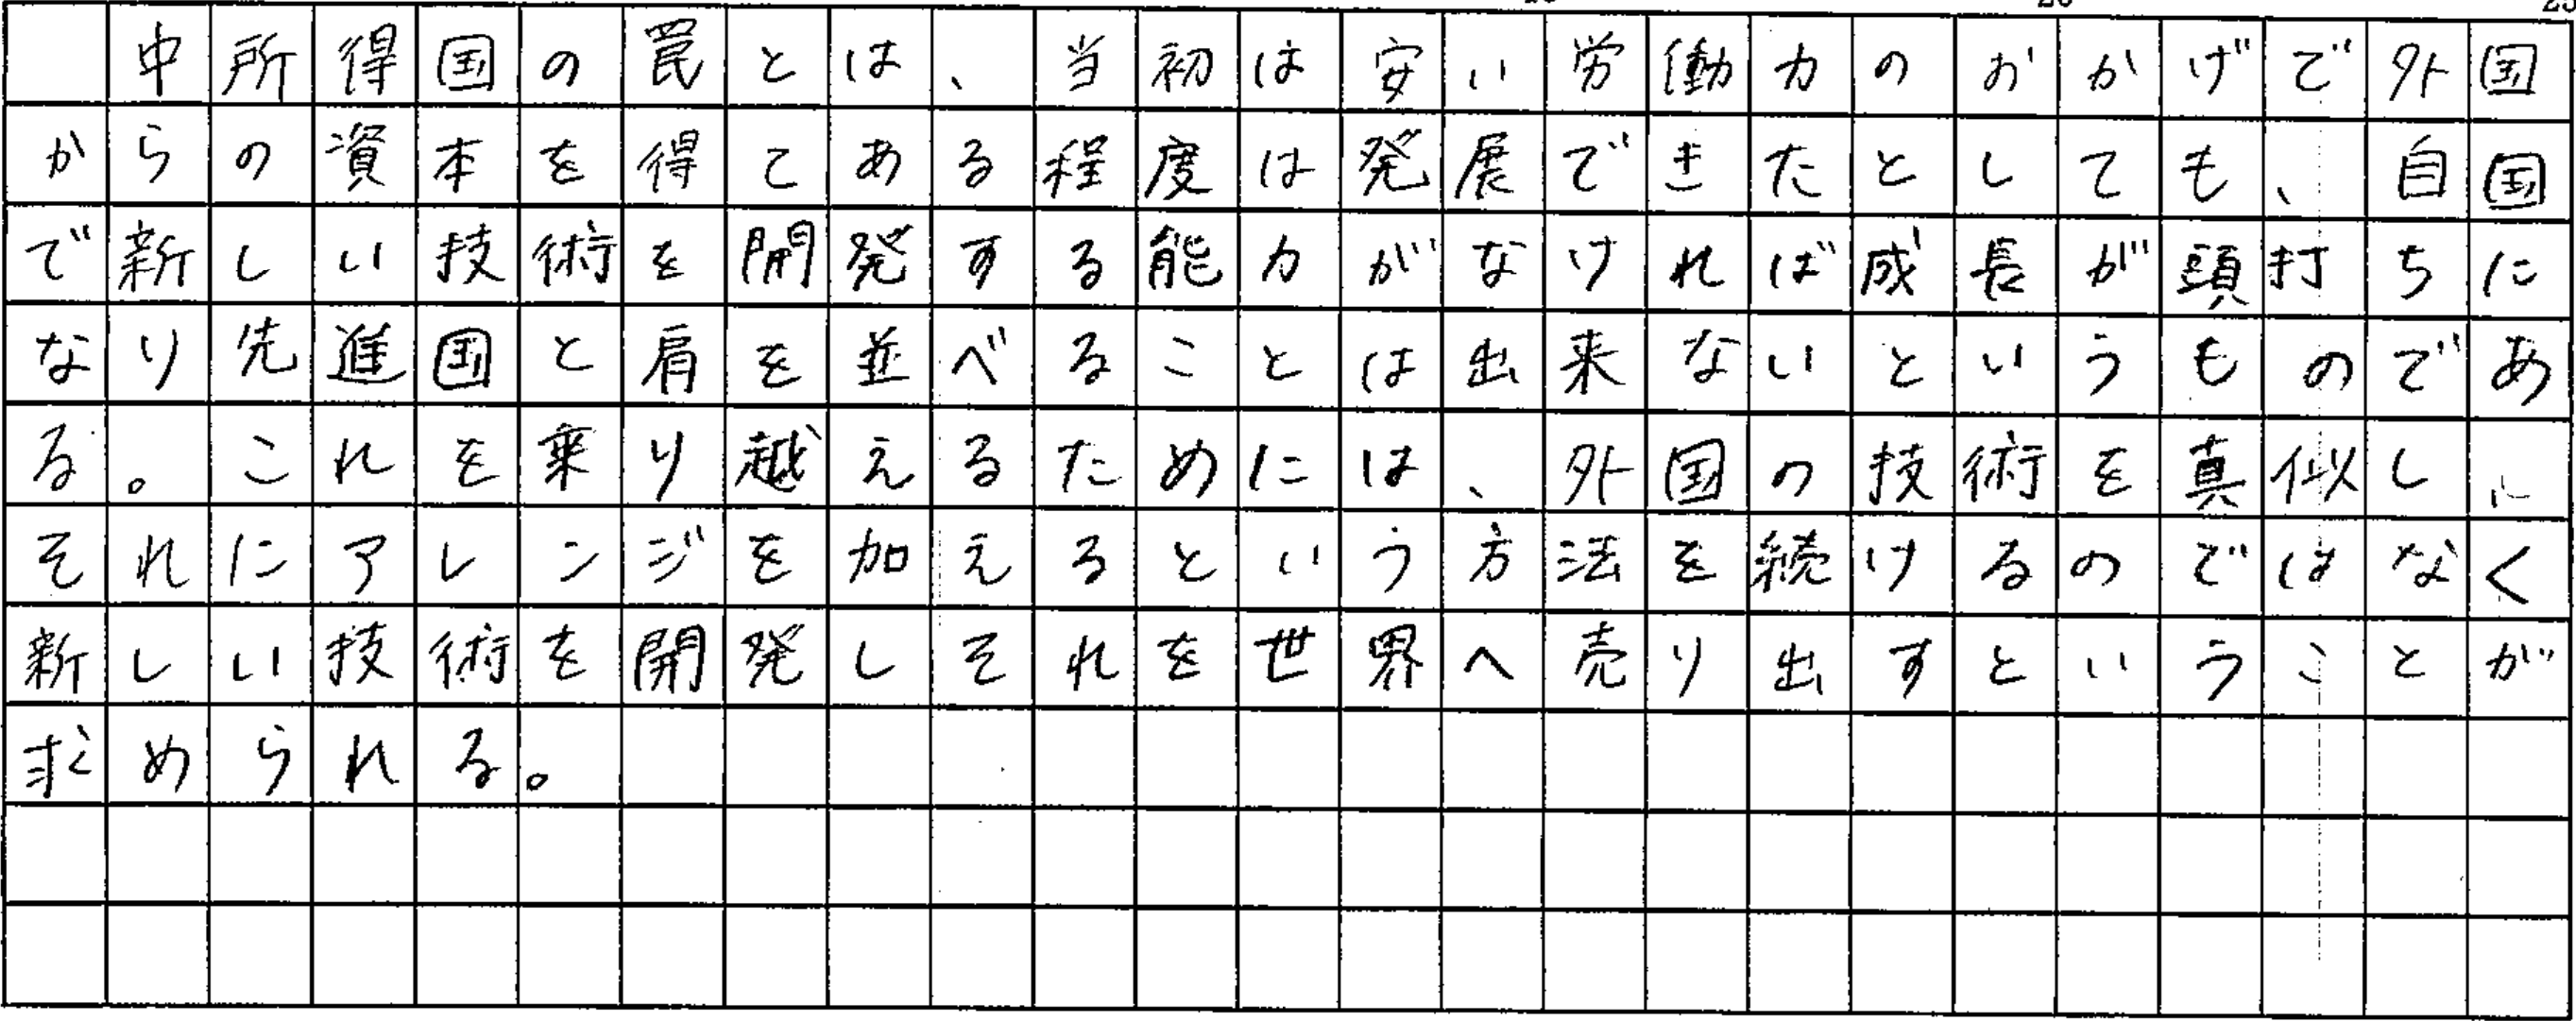　中所得国の罠とは、当初は安い労働力のおかげで外国からの資本を得てある程度は発展できたとしても、自国で新しい技術を開発する能力がなければ成長が頭打ちになり先進国と肩を並べることは出来ないというものである。これを乗り越えるためには、外国の技術を真似し、それにアレンジを加えるという方法を続けるのではなく新しい技術を開発しそれを世界へ売り出すということが求められる。
